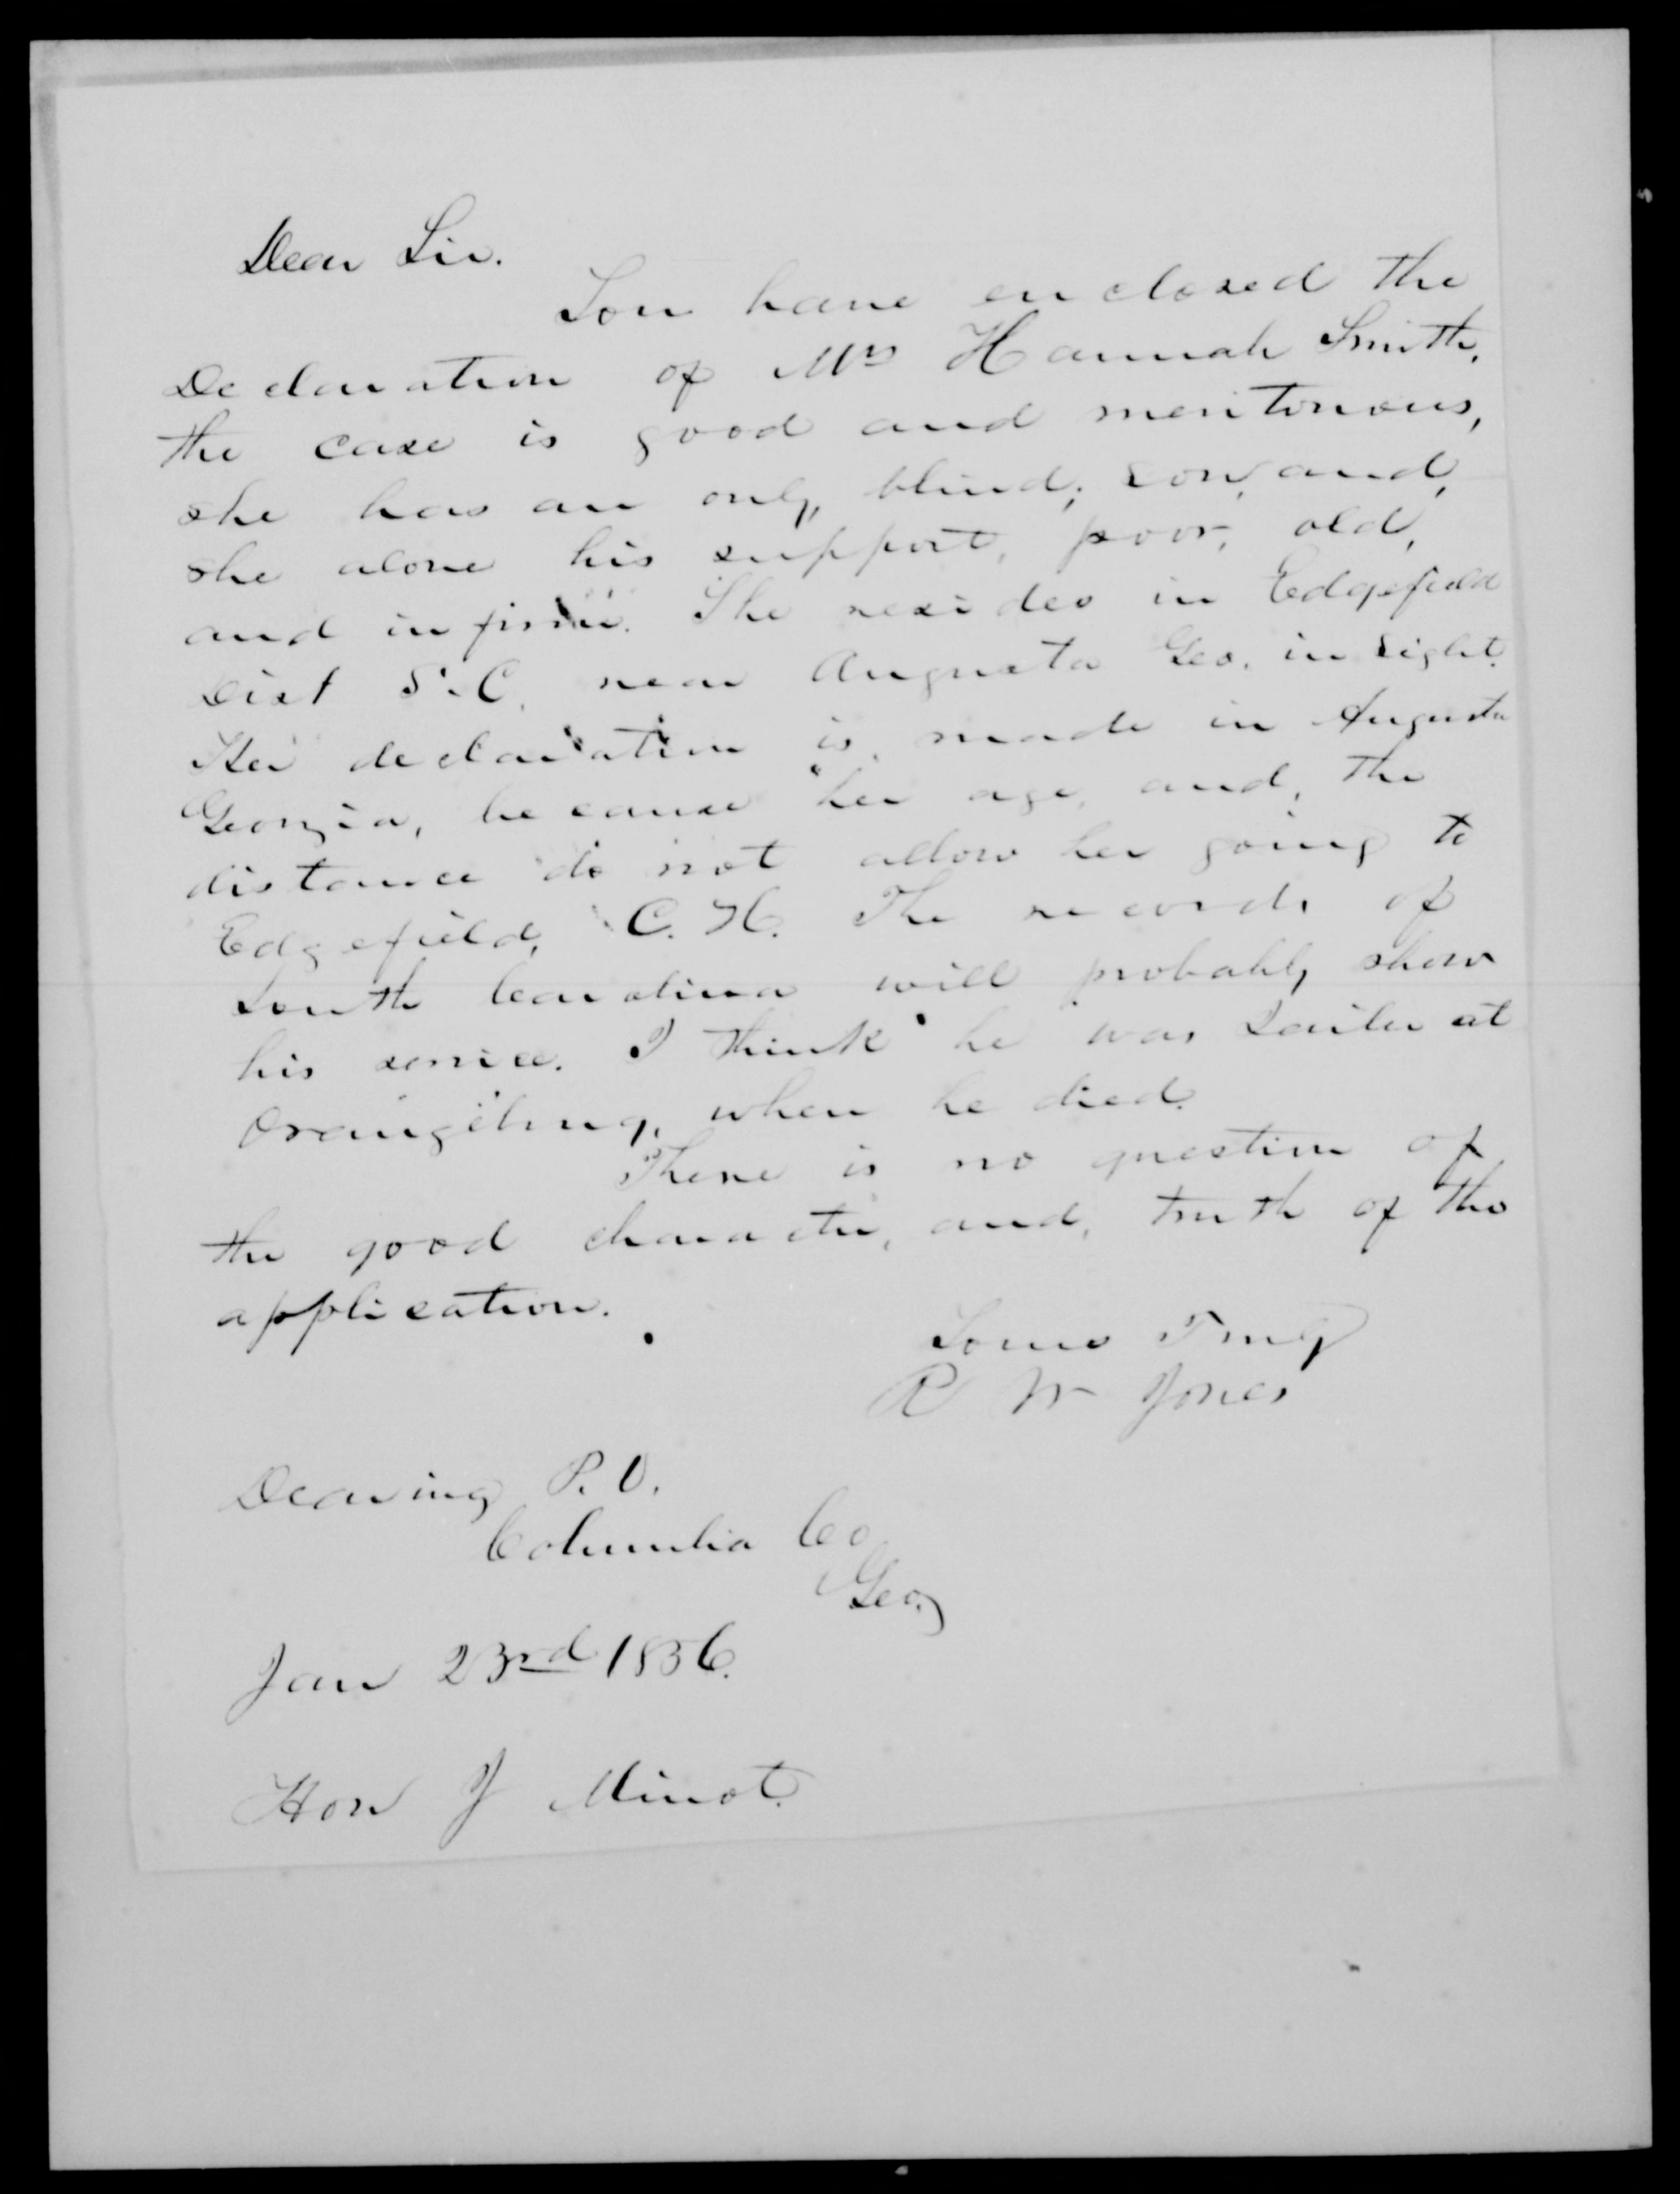Dear Sir.

You have enclosed the Declaration of Mrs Hannah Smith. the case is good and meritorious. she has an only, blind, son, and she alone his support, poor, old and infirm. She resides in Edgefield
Dist S. C. Near Augusta Geo. in sight.  The declaration is made in Augusta Georgia, because her age, and the distance do not allow her going to Edgefield C.H. The records of South Carolina will probably show his service. I think he was sailed at Orangeburg, when he died.

There is no question of the good character, and truth of the application

Louis Tang
R W Jones

Deaving P.O.
Columbia Co., Geo

Jan 23rd 1836

Hon J Minot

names: J Minot; Louis Tang; Hannah Smith; R W Jones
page: 12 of 28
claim: rejected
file: R. 9744, for Robert Smith, South Carolina